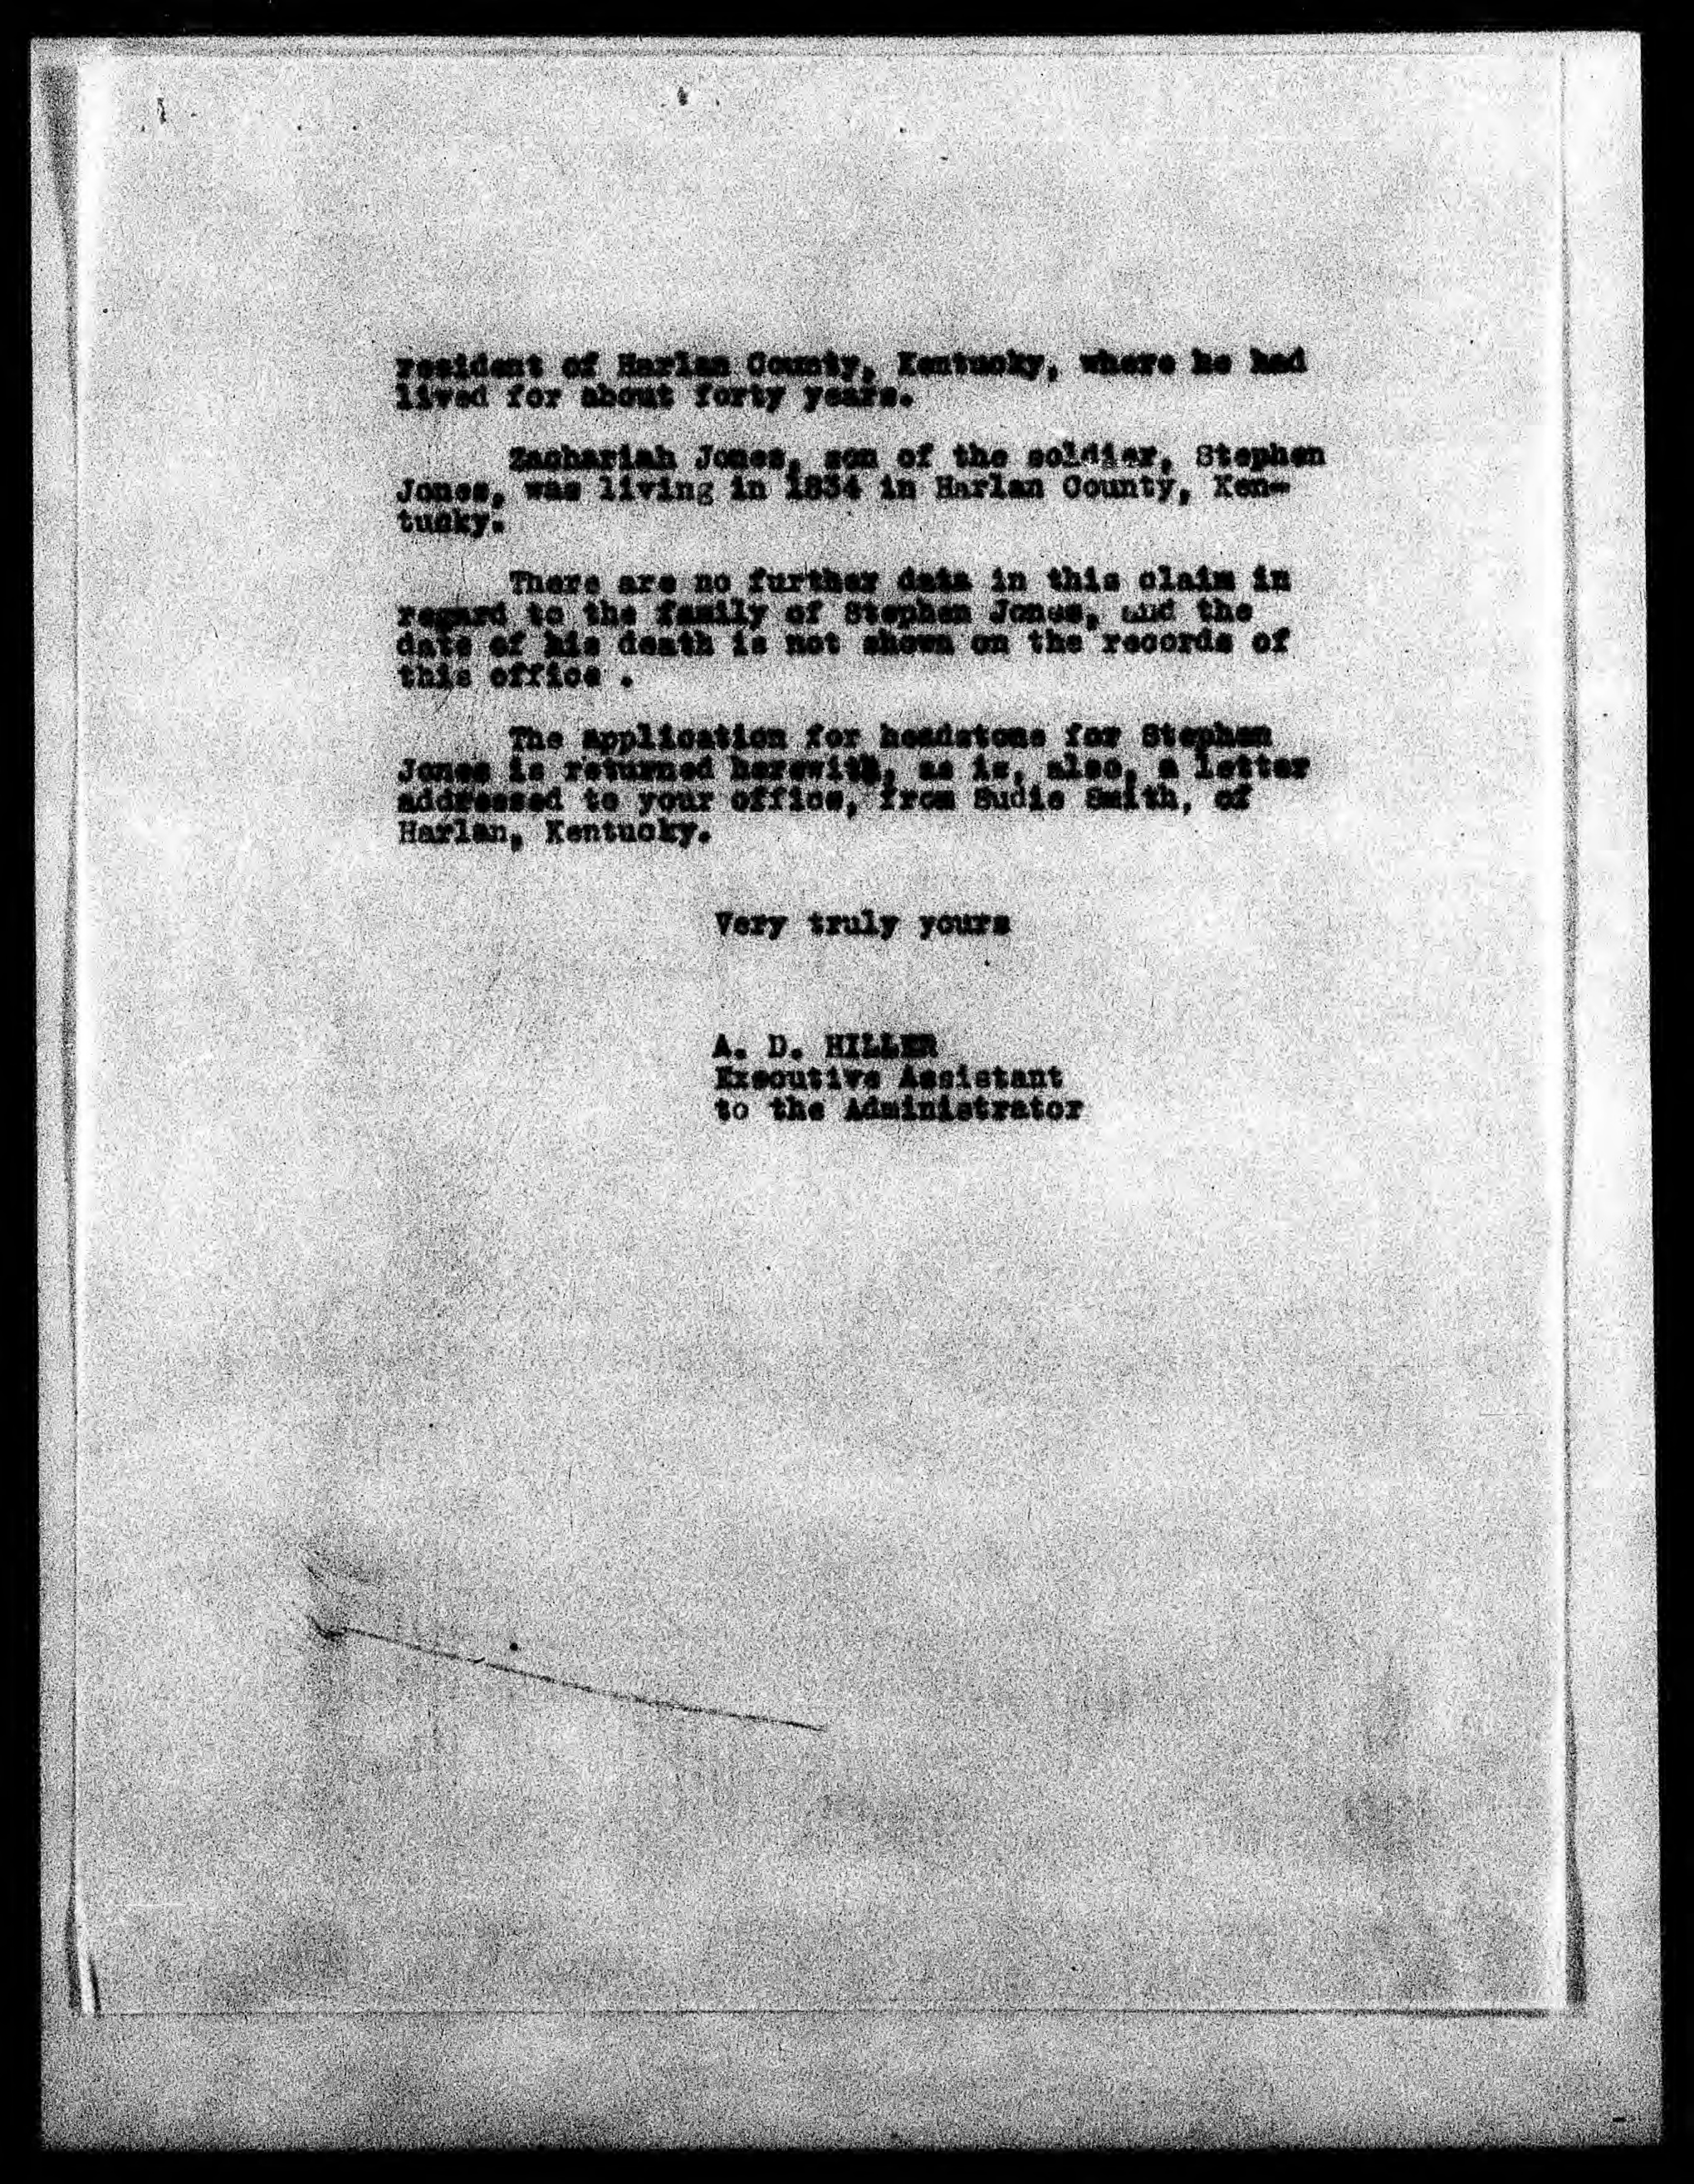resident of Harlan County, Kentucky, where he had 
lived for about forty years.

Zachariah Jones, son of the soldier, Stephen 
Jones, was living in 1834 in Harlan County, Kentucky.

There are no further data in this claim in 
regard to the family of Stephen Jones, and the 
date of his death is not shown on the records
of 
this office.  

The application for headstone for Stephen 
Jones is returned herewith, as is, also, a letter
addressed to your office, from Sudie Smith, of
Harlan, Kentucky.

Very truly yours

A. D. HILLER
Executive Assistant
to the Administrator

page: 17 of 17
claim: survivor's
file: S. 38092, for Stephen Jones, North Carolina